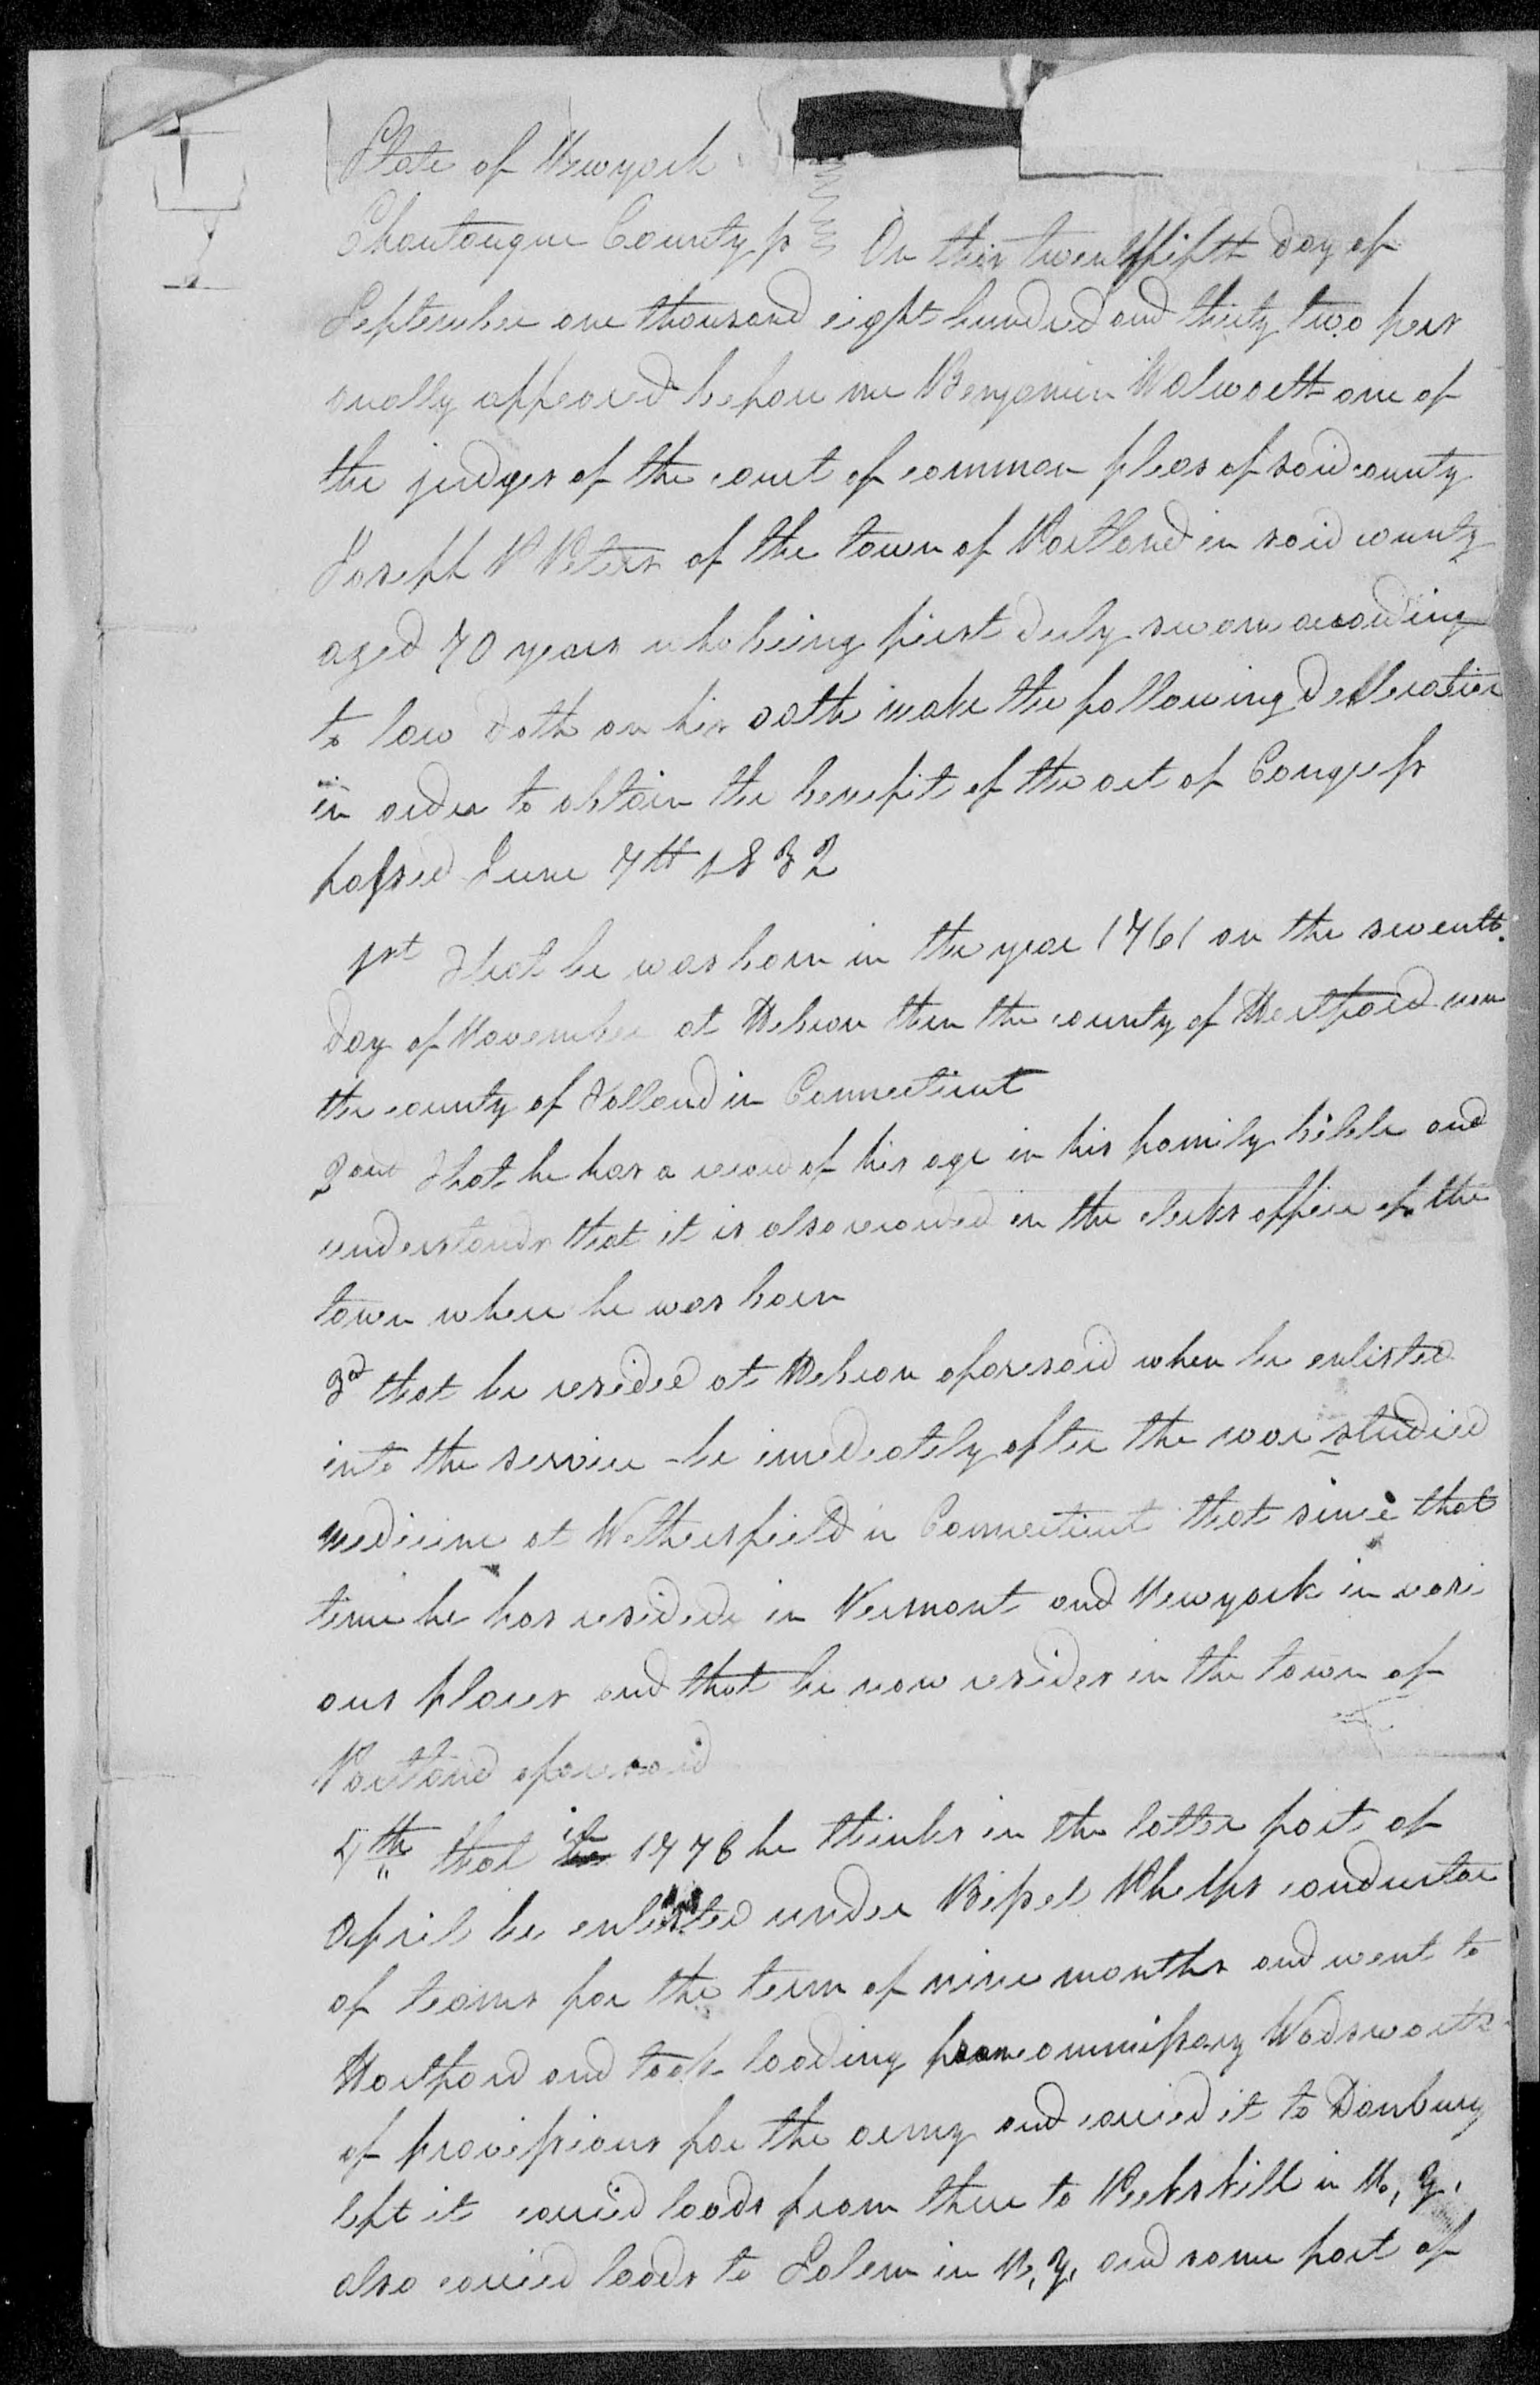State of New York 
Chautauqua County ss} On this twentyfifth day of September one thousand eight hundred and thirty two personally appeared before me Benjamin Walworth one of the judges of the court of common pleas of said County Joseph P. Peters of the town of Northland in said county aged 70 years who being first duly sworn according to law doth on his oath make the following Declaration in order to obtain the benefit of the act of Congress passed June 7th 1832.    
1st That he was born in the year 1761 on the seventh day of November at Hebron then the County of Westfield now the County of Tolland in Connecticut.
2nd  That he has a record of his age in his family bible and understands that it is also recorded in the clerks office of the town where he was born.  
3rd  that he resided at Hebron aforesaid when he enlisted into the service he immediately after the war studied medicine of Wethersfield in Connecticut that since that time he has resided in Vermont and New York in various places and that he now resides in the town of Northland aforesaid.
4th  that in 1776 he thinks in the other part of April he enlisted under Bissel Phelps conductor of teams for the term of nine months and went to Northford and took loading from commissary goods worth of provisions for the army and carried it to Danbury, left it carried loads from there to Peekskill in N.Y.,  also carried loads to [unreadable]  in N.Y. and some part of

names: Bissel Phelps; Benjamin Walworth; Joseph P Peters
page: 10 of 73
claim: widow's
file: W. 2338, for Joseph P Peters, Connecticut